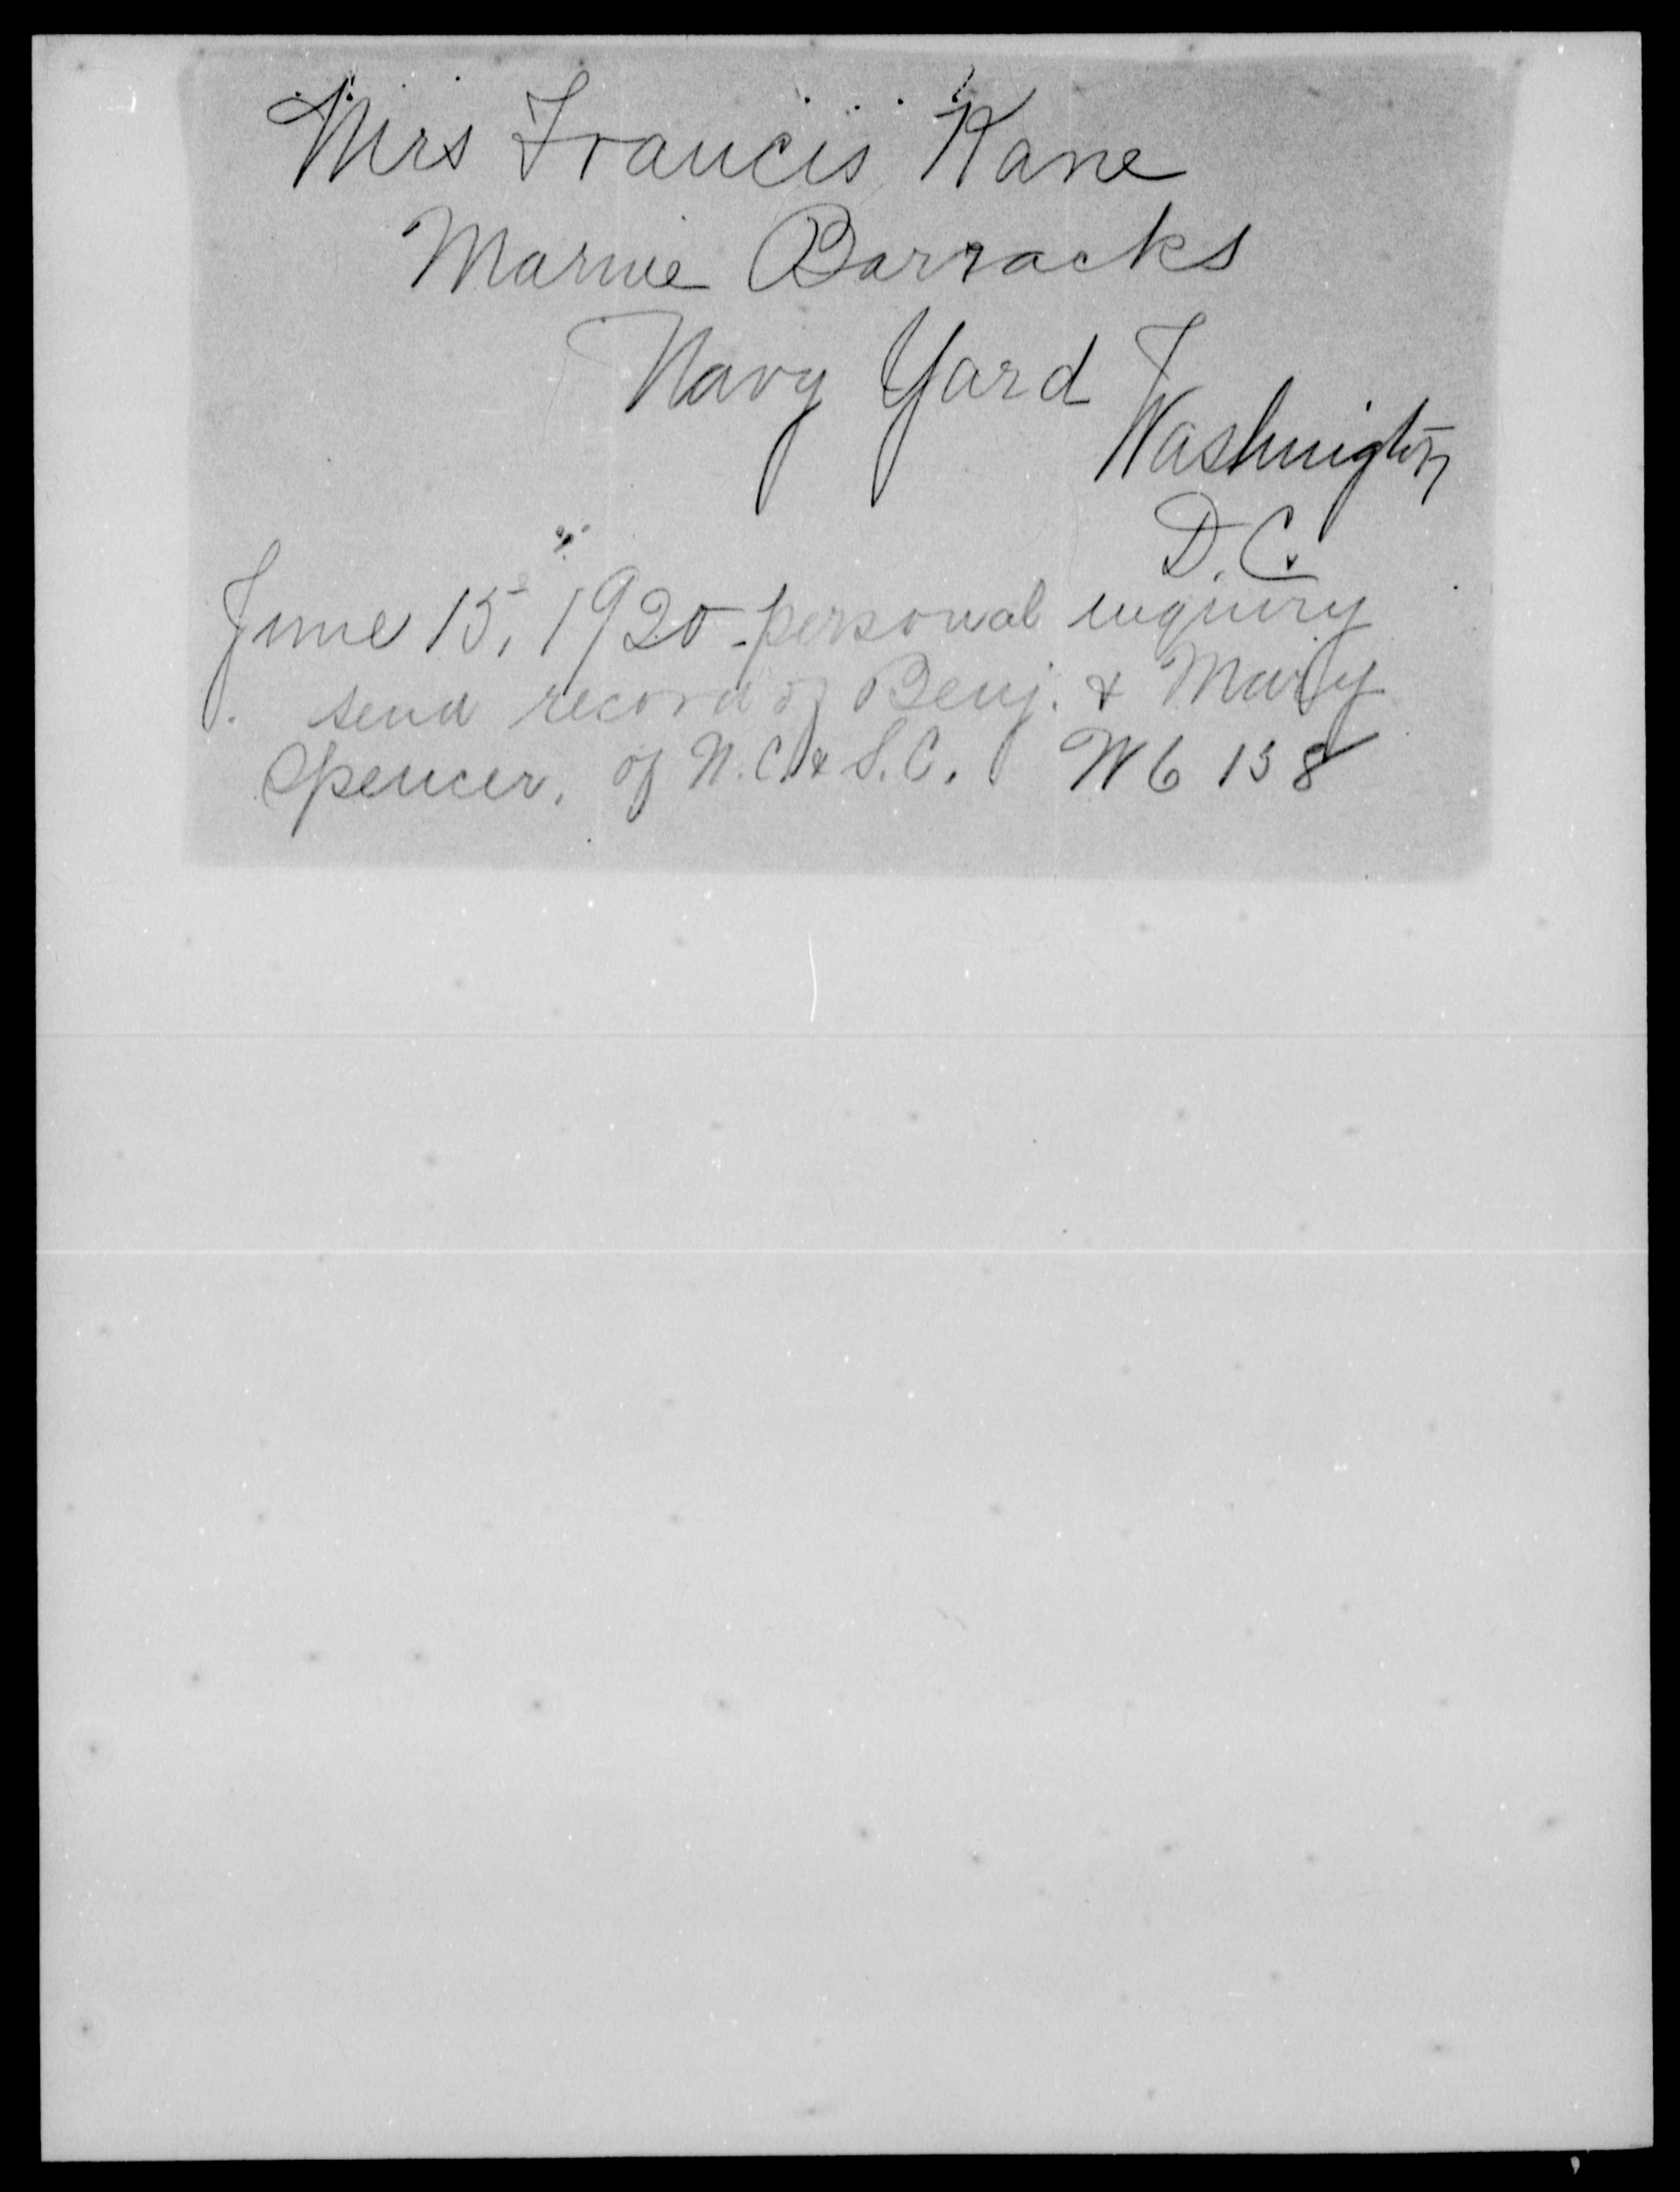Mrs. Francis Hane
Marine Barracks
Navy Yard
Washington
D, C.
June 15, 1920. personal enquiry
send record of Benj. & Mary
Spencer of N. C. & S. C.  W C 138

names: Benj Spencer; Mary Spencer; Francis Kane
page: 29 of 63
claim: widow's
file: W. 6158, for Benjamin Spencer, North Carolina